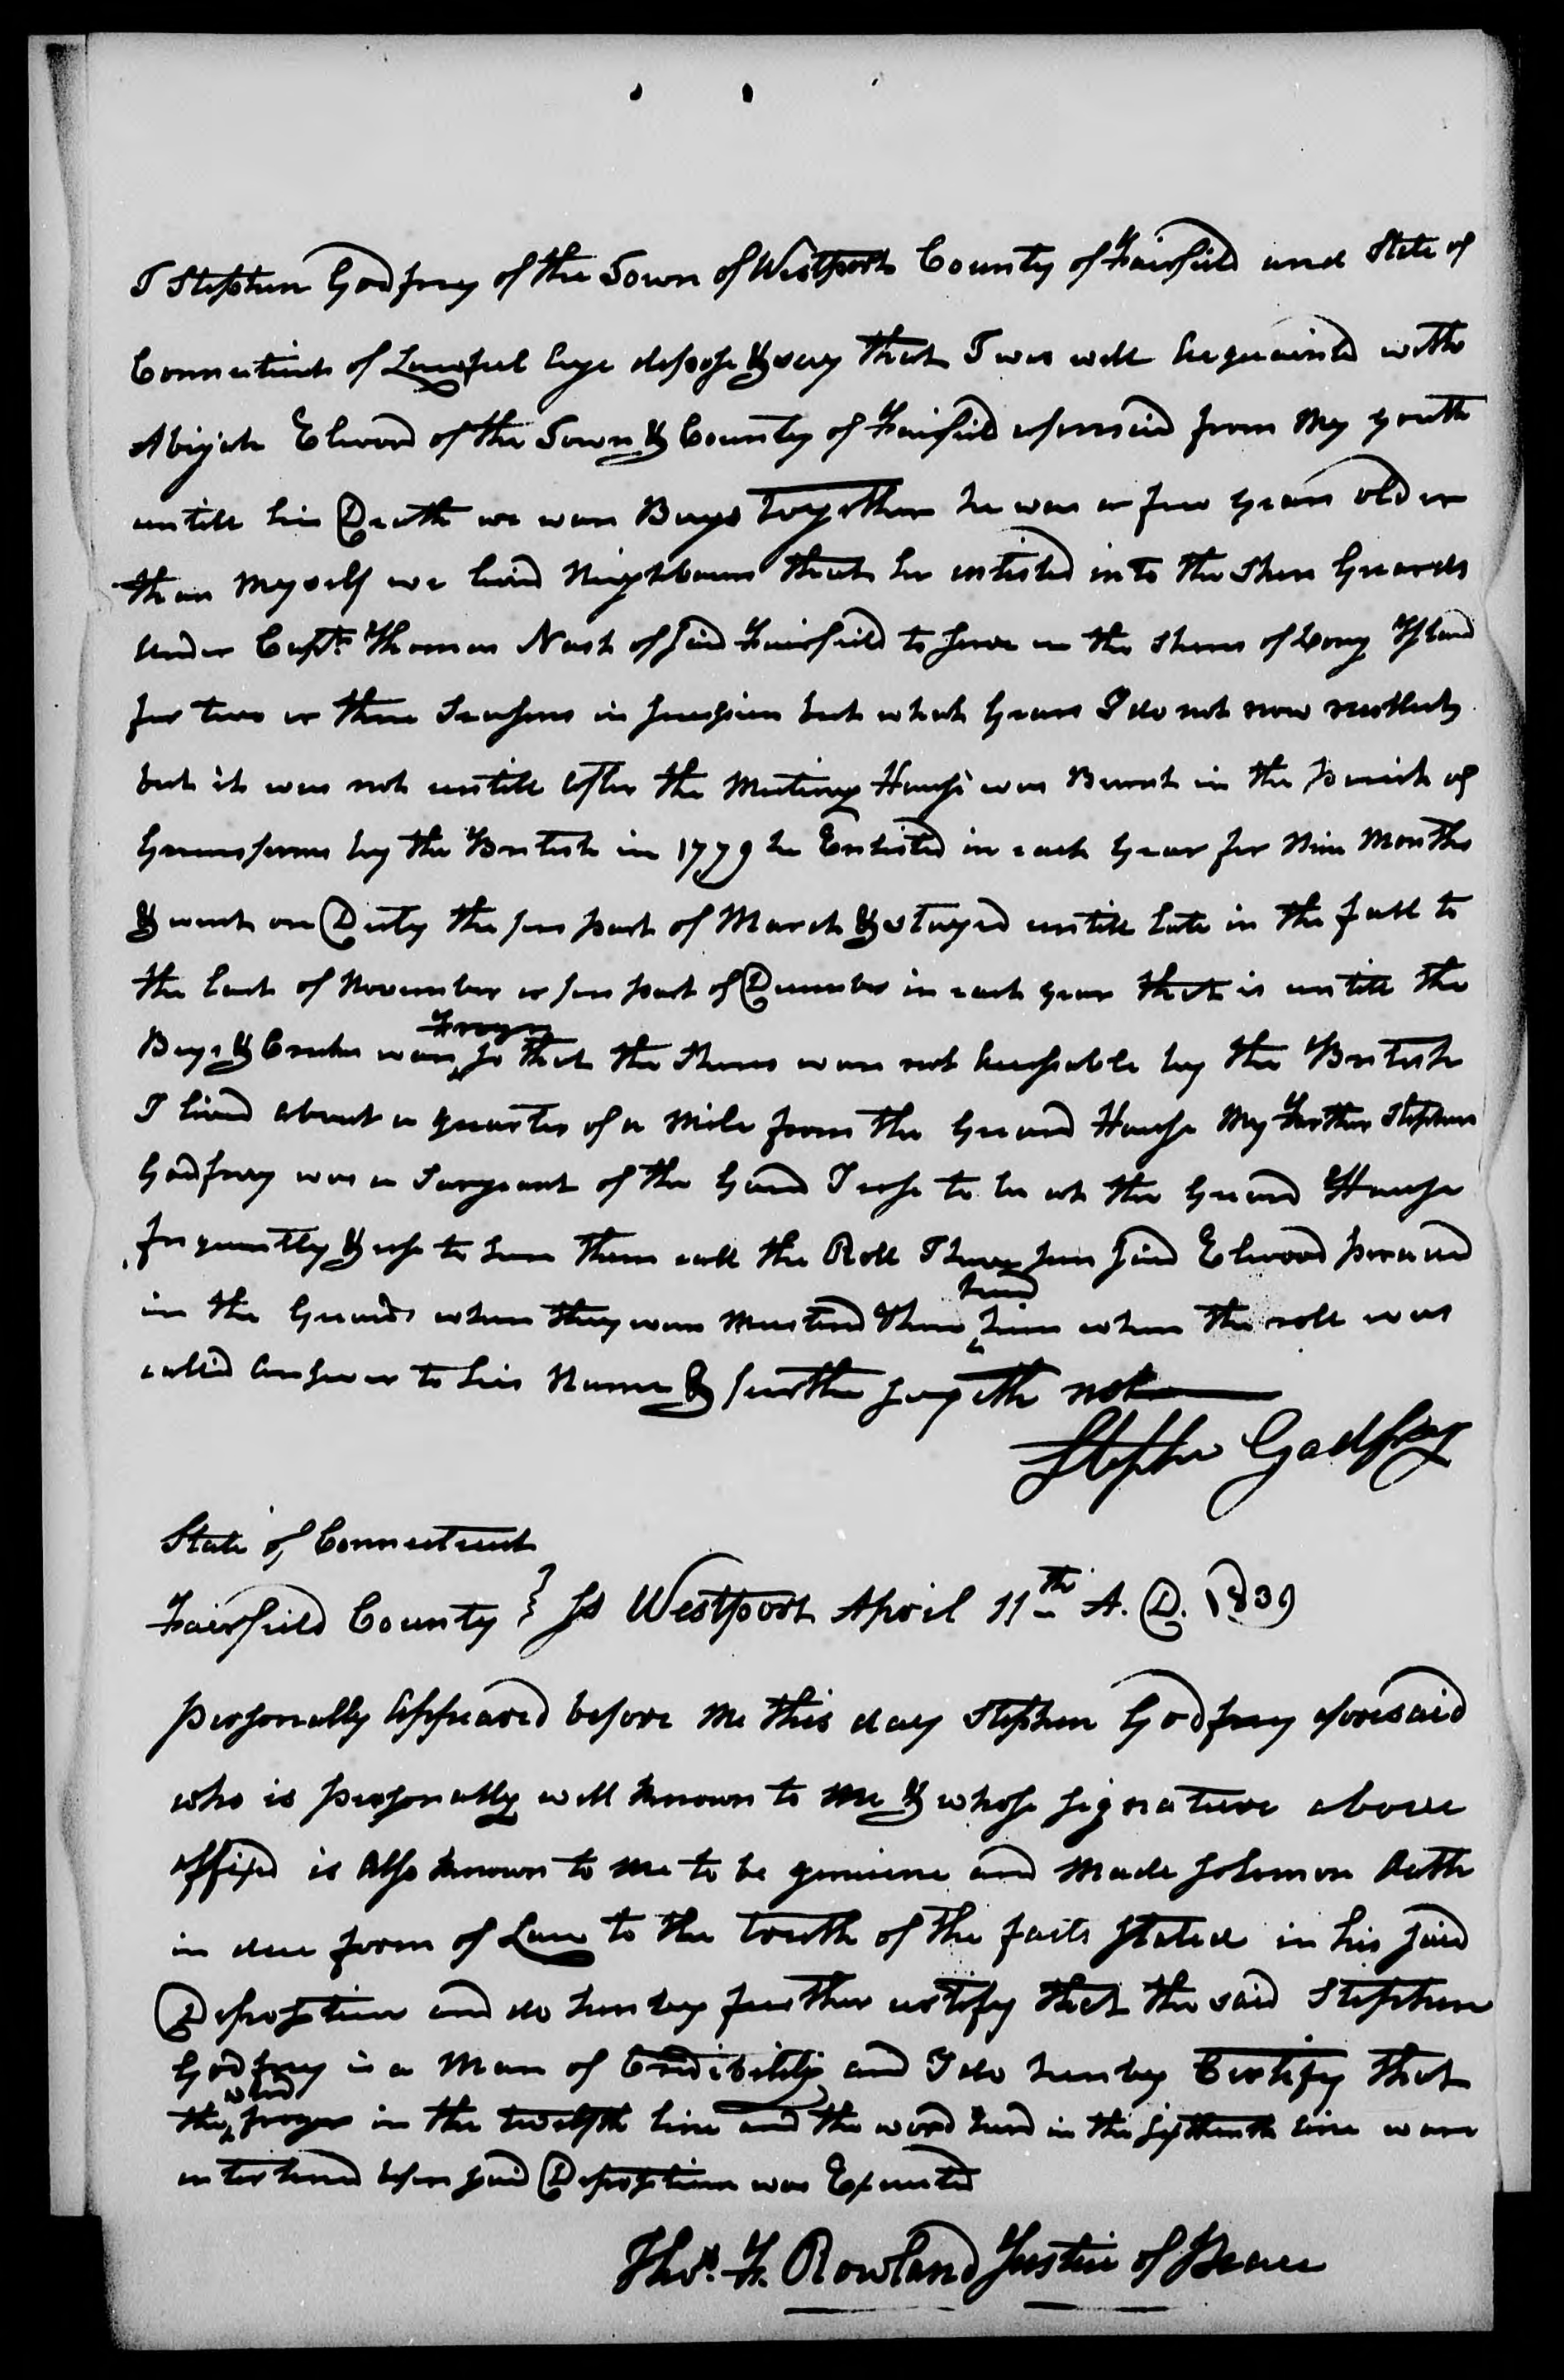I Stephen Godfrey of the Town of Westport County of Fairfield and State of
Connecticut of lawful age depose & say that I was well acquainted with
Abijah Elwood of the Town & County of Fairfield aforesaid from my youth
untill his Death we were Boys together he was a few years older
than myself we [1 illegible] neighbors that he inlisted into the Shore Guards
under Capt Thomas Nash of said Fairfield to serve on the shores of Long Island
for two or three seasons in succession but what year I do not now recollect
but it was not untill after the Meeting House  was Burnt in the Parish of
Green Farms by the British in 1779 he Enlisted in each year for nine months
& went on Duty the [1 illegible] part of March & stayed until late in the fall to
the last of November & [1 illegible] part of December in said year that is untill the
Bays & Creeks was Frozen so that the Thames was not passable by the British
I lived about a quarter of a mile from the Guard House My farther Stephen
Godfrey was a Sargeant of the Guard Troop to be in the Guard House
frequently & up to see them call the Roll I have 
seen said Elwood [illegible]
in the Guard when they was Mustered & his [2 illegible] when the roll was
call'd answer to his name & further sayeth not
                                  [signed] Stephen Godfrey

State of Connecticut}
Fairfield County} ss Westport April 11th A.D. 1839
personally appeared before me this day Stephen Godfrey aforesaid
who is personally well known to me & whose signature above
affixed is also known to me to be genuine and made Solumn Oath
in due form of Law to the truth of the facts stated in his said
Deposition and do hereby further certify that the said Stephen
Godfrey is a man of credibility and I do hereby certify that 
the word frozen in the twelfth line and the word [1 illegible] in the sixteenth line were
in the said Deposition was Executed
            [signed] Thos F. Rowland Justice of Peace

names: Stephen Godfrey, Thos F Rowland, Stephen Godfrey, Abijah Elwood, Stephen Godfrey, Stephen Godfrey, Thomas Nash, Elwood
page: 63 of 69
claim: widow's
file: W. 25562, Abijah Elwood, Conn.